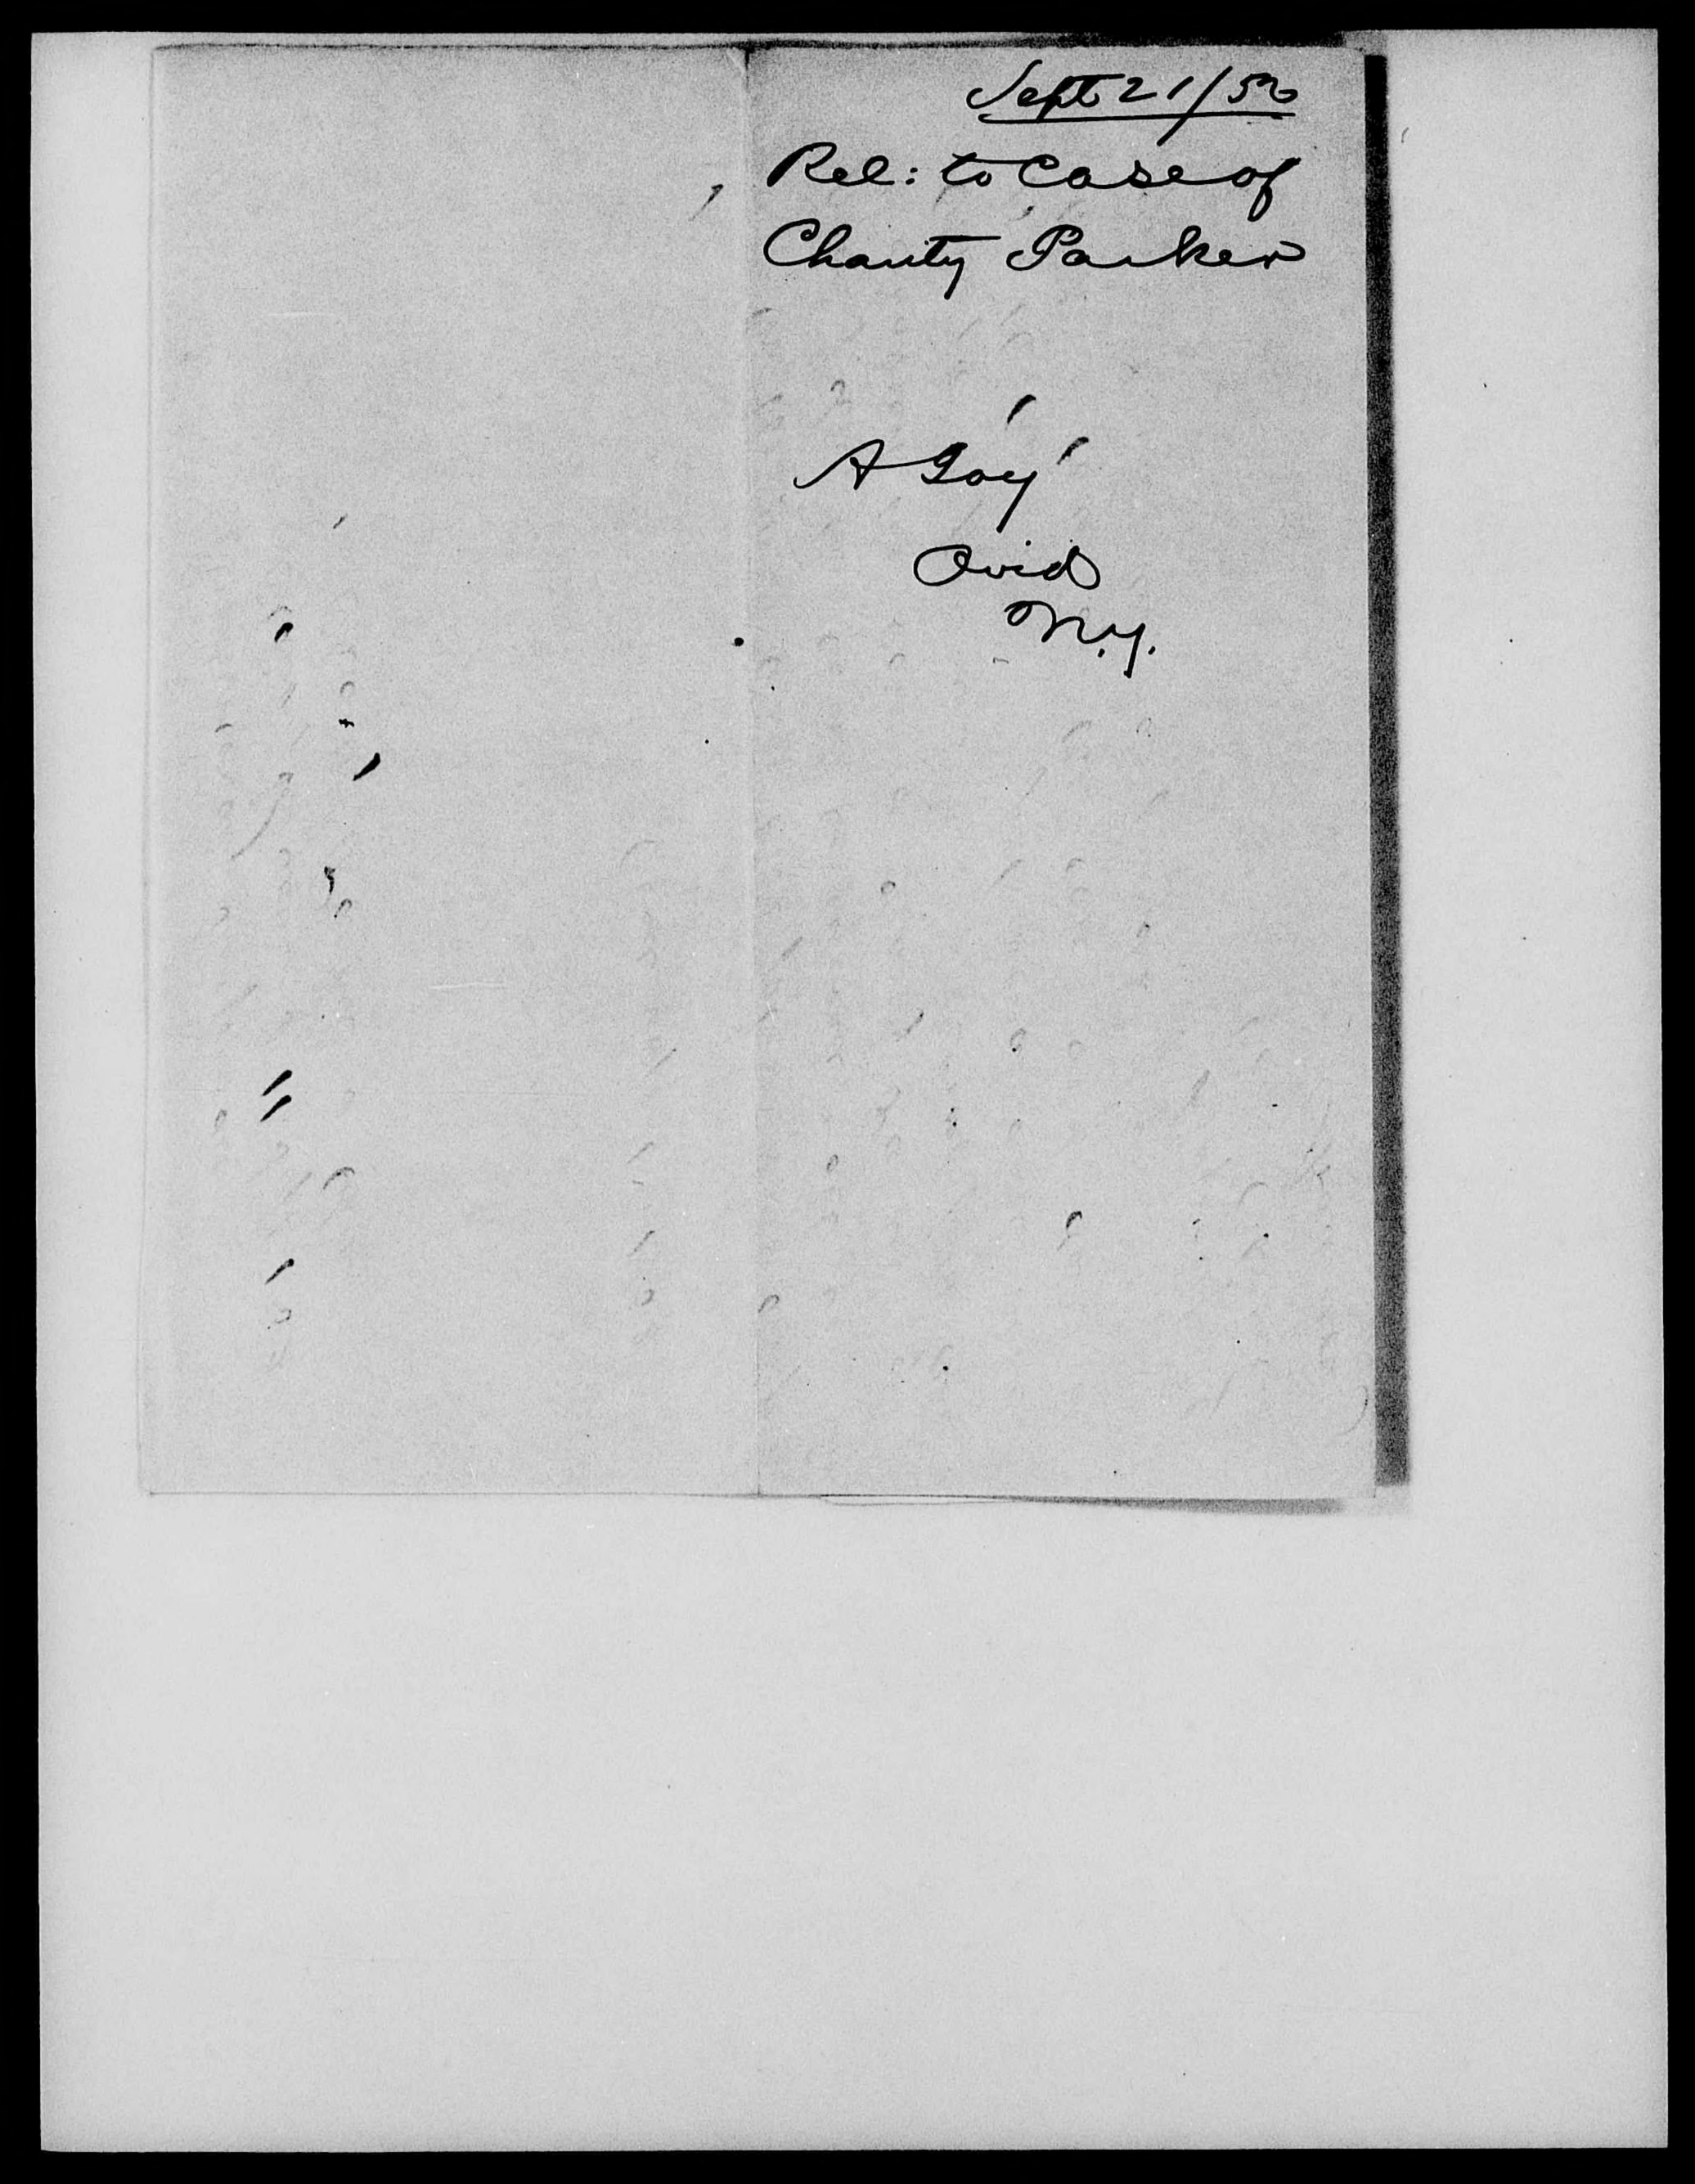Sept 21/56
Rel: to case of Charity Parker

A Joy.
Ovid
N.Y.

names: Charity Parker; A Joy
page: 25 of 40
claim: widow's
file: W. 3,588, for John Parker, Pennsylvania